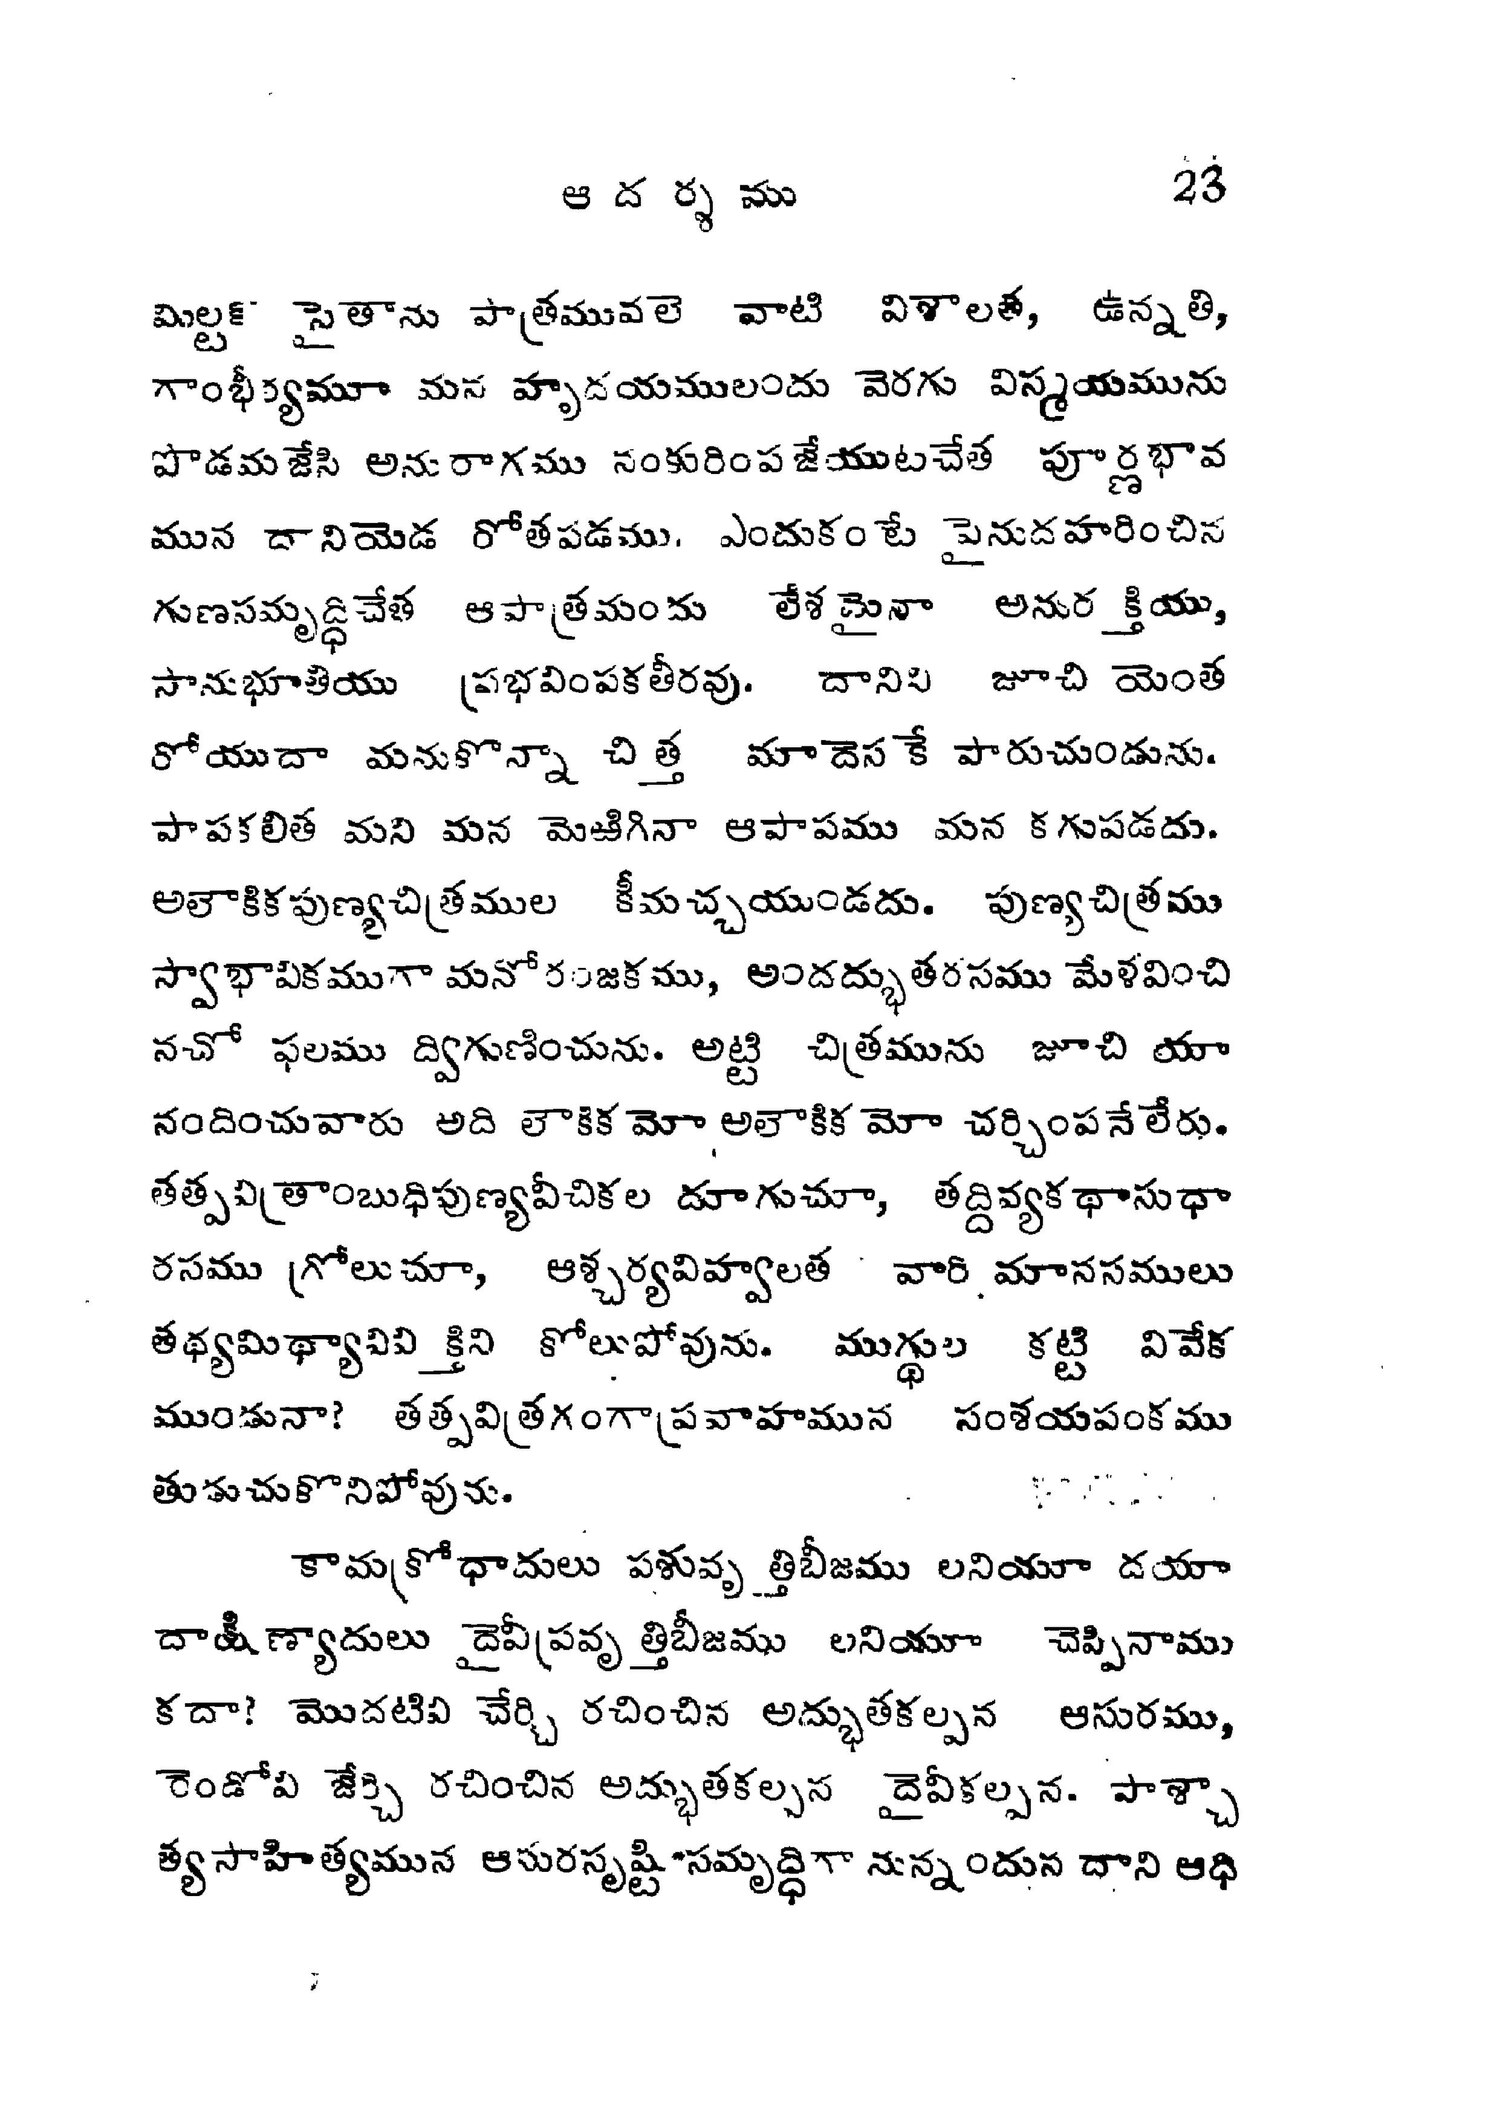మిల్టన్ సైతాను పాత్రమువలె వాటి విశాలత, ఉన్నతి, గాంభీర్యమూ మన హృదయములందు వెరగు విస్మయమును పొడమజేసి అనురాగము నంకురింపజేయుటచేత పూర్ణభావమున దానియెడ రోతపడము. ఎందుకంటే పైనుదహరించిన గుణసమృద్ధిచేత ఆపాత్రయందు లేశమైనా అనురక్తియు, సానుభూతియు ప్రభవింపకతీరవు. దానిని జూచి యెంత రోయుదా మనుకొన్నా చిత్త మాదెసకే పారుచుండును. పాపకలిత మని మన మెఱిగినా ఆపాపము మన కగుపడదు. అలౌకికపుణ్యచిత్రముల కీమచ్చయుండదు. పుణ్యచిత్రము స్వాభావికముగా మనోరంజకము, అందద్భుతరసము మేళవించినచో ఫలము ద్విగుణించును. అట్టి చిత్రమును జూచి యానందించువారు అది లౌకికమో అలౌకికమో చర్చింపనేలేరు. తత్పవిత్రాంబుధిపుణ్యవీచికల దూగుచూ, తద్దివ్యకథాసుధారసము గ్రోలుచూ, ఆశ్చర్యవిహ్వలత వారి మానసములు తథ్యమిథ్యావివిక్తిని కోలుపోవును. ముగ్థుల కట్టి వివేక ముండునా? తత్పవిత్రగంగాప్రవాహమున సంశయపంకము తుడుచుకొనిపోవును.

కామక్రోధాదులు పశువృత్తిబీజము లనియూ దయా దాక్షిణ్యాదులు దైవీప్రవృత్తిబీజము లనియూ చెప్పినాము కదా? మొదటివి చేర్చి రచించిన అద్భుతకల్పన ఆసురము, రెండోవి జేర్చి రచించిన అద్భుతకల్పన దైవీకల్పన. పాశ్చాత్యసాహిత్యమున ఆసురసృష్టి సమృద్ధిగా నున్నందున దాని ఆధి